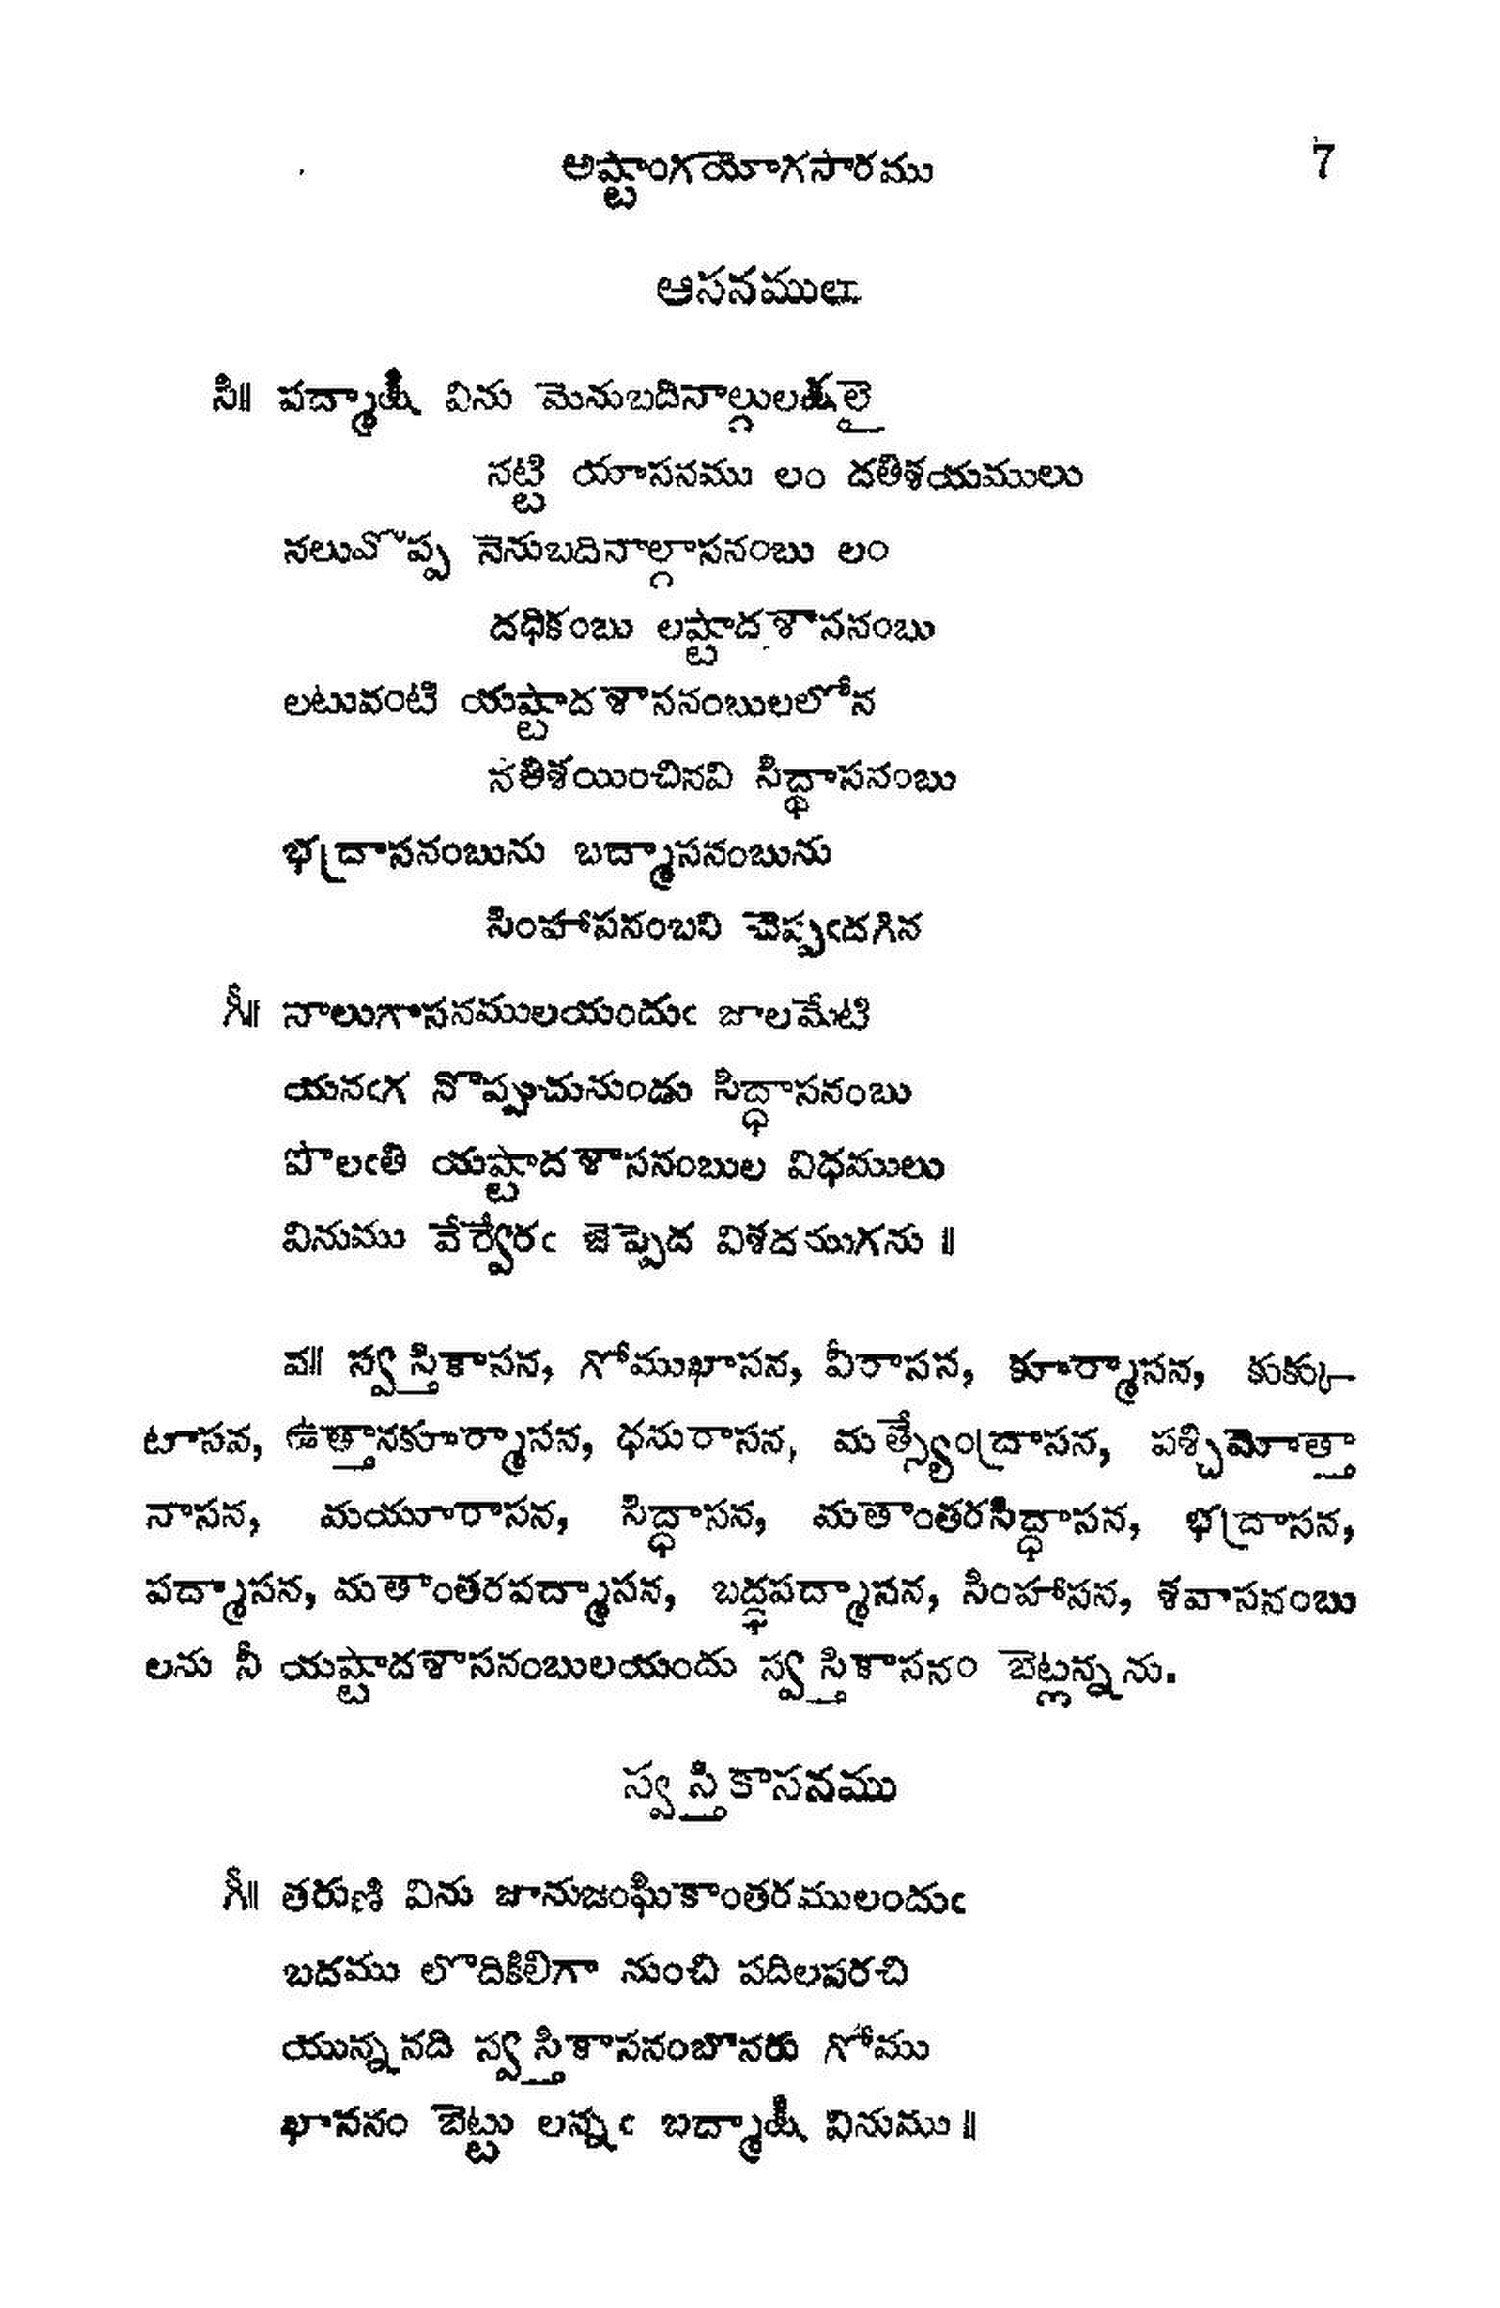సీ॥ పద్మాక్షి విను మెనుబదినాల్గులక్షలై
 నట్టి యాసనము లం దతిశయములు
 నలువొప్ప నెనుబదినాల్గాసనంబు లం
 దధికంబు లష్టాదశాసనంబు
 లటువంటి యష్టాదశాసనంబులలోన
 నతిశయించినవి సిద్ధాసనంబు
 భద్రాసనంబును బద్మాసనంబును
 సింహాసనంబని చెప్పఁదగిన
గీ॥ నాలుగాసనములయందుఁ జాలమేటి
 యనఁగ నొప్పుచునుండు సిద్ధాసనంబు
 పొలఁతి యష్టాదశాసనంబుల విధములు
 వినుము వేర్వేరఁ జెప్పెద విశదముగను॥

వ॥ స్వస్తికాసన, గోముఖాసన, వీరాసన, కూర్మాసన, కుక్కుటాసన, ఉత్తానకూర్మాసన, ధనురాసన, మత్స్యేంద్రాసన, పశ్చిమోత్తానాసన, మయూరాసన, సిద్ధాసన, మతాంతరసిద్ధాసన, భద్రాసన, పద్మాసన, మతాంతరపద్మాసన, బద్ధపద్మాసన, సింహాసన, శవాసనంబు లను నీ యష్టాదశాసనంబులయందు స్వస్తికాసనం బెట్లన్నను.

గీ॥ తరుణి విను జానుజంఘికాంతరములందుఁ
 బదము లొదికిలిగా నుంచి పదిలపరచి
 యున్ననది స్వస్తికాసనంబొనరు గోము
 ఖాసనం బెట్టు లన్నఁ బద్మాక్షి వినుము॥